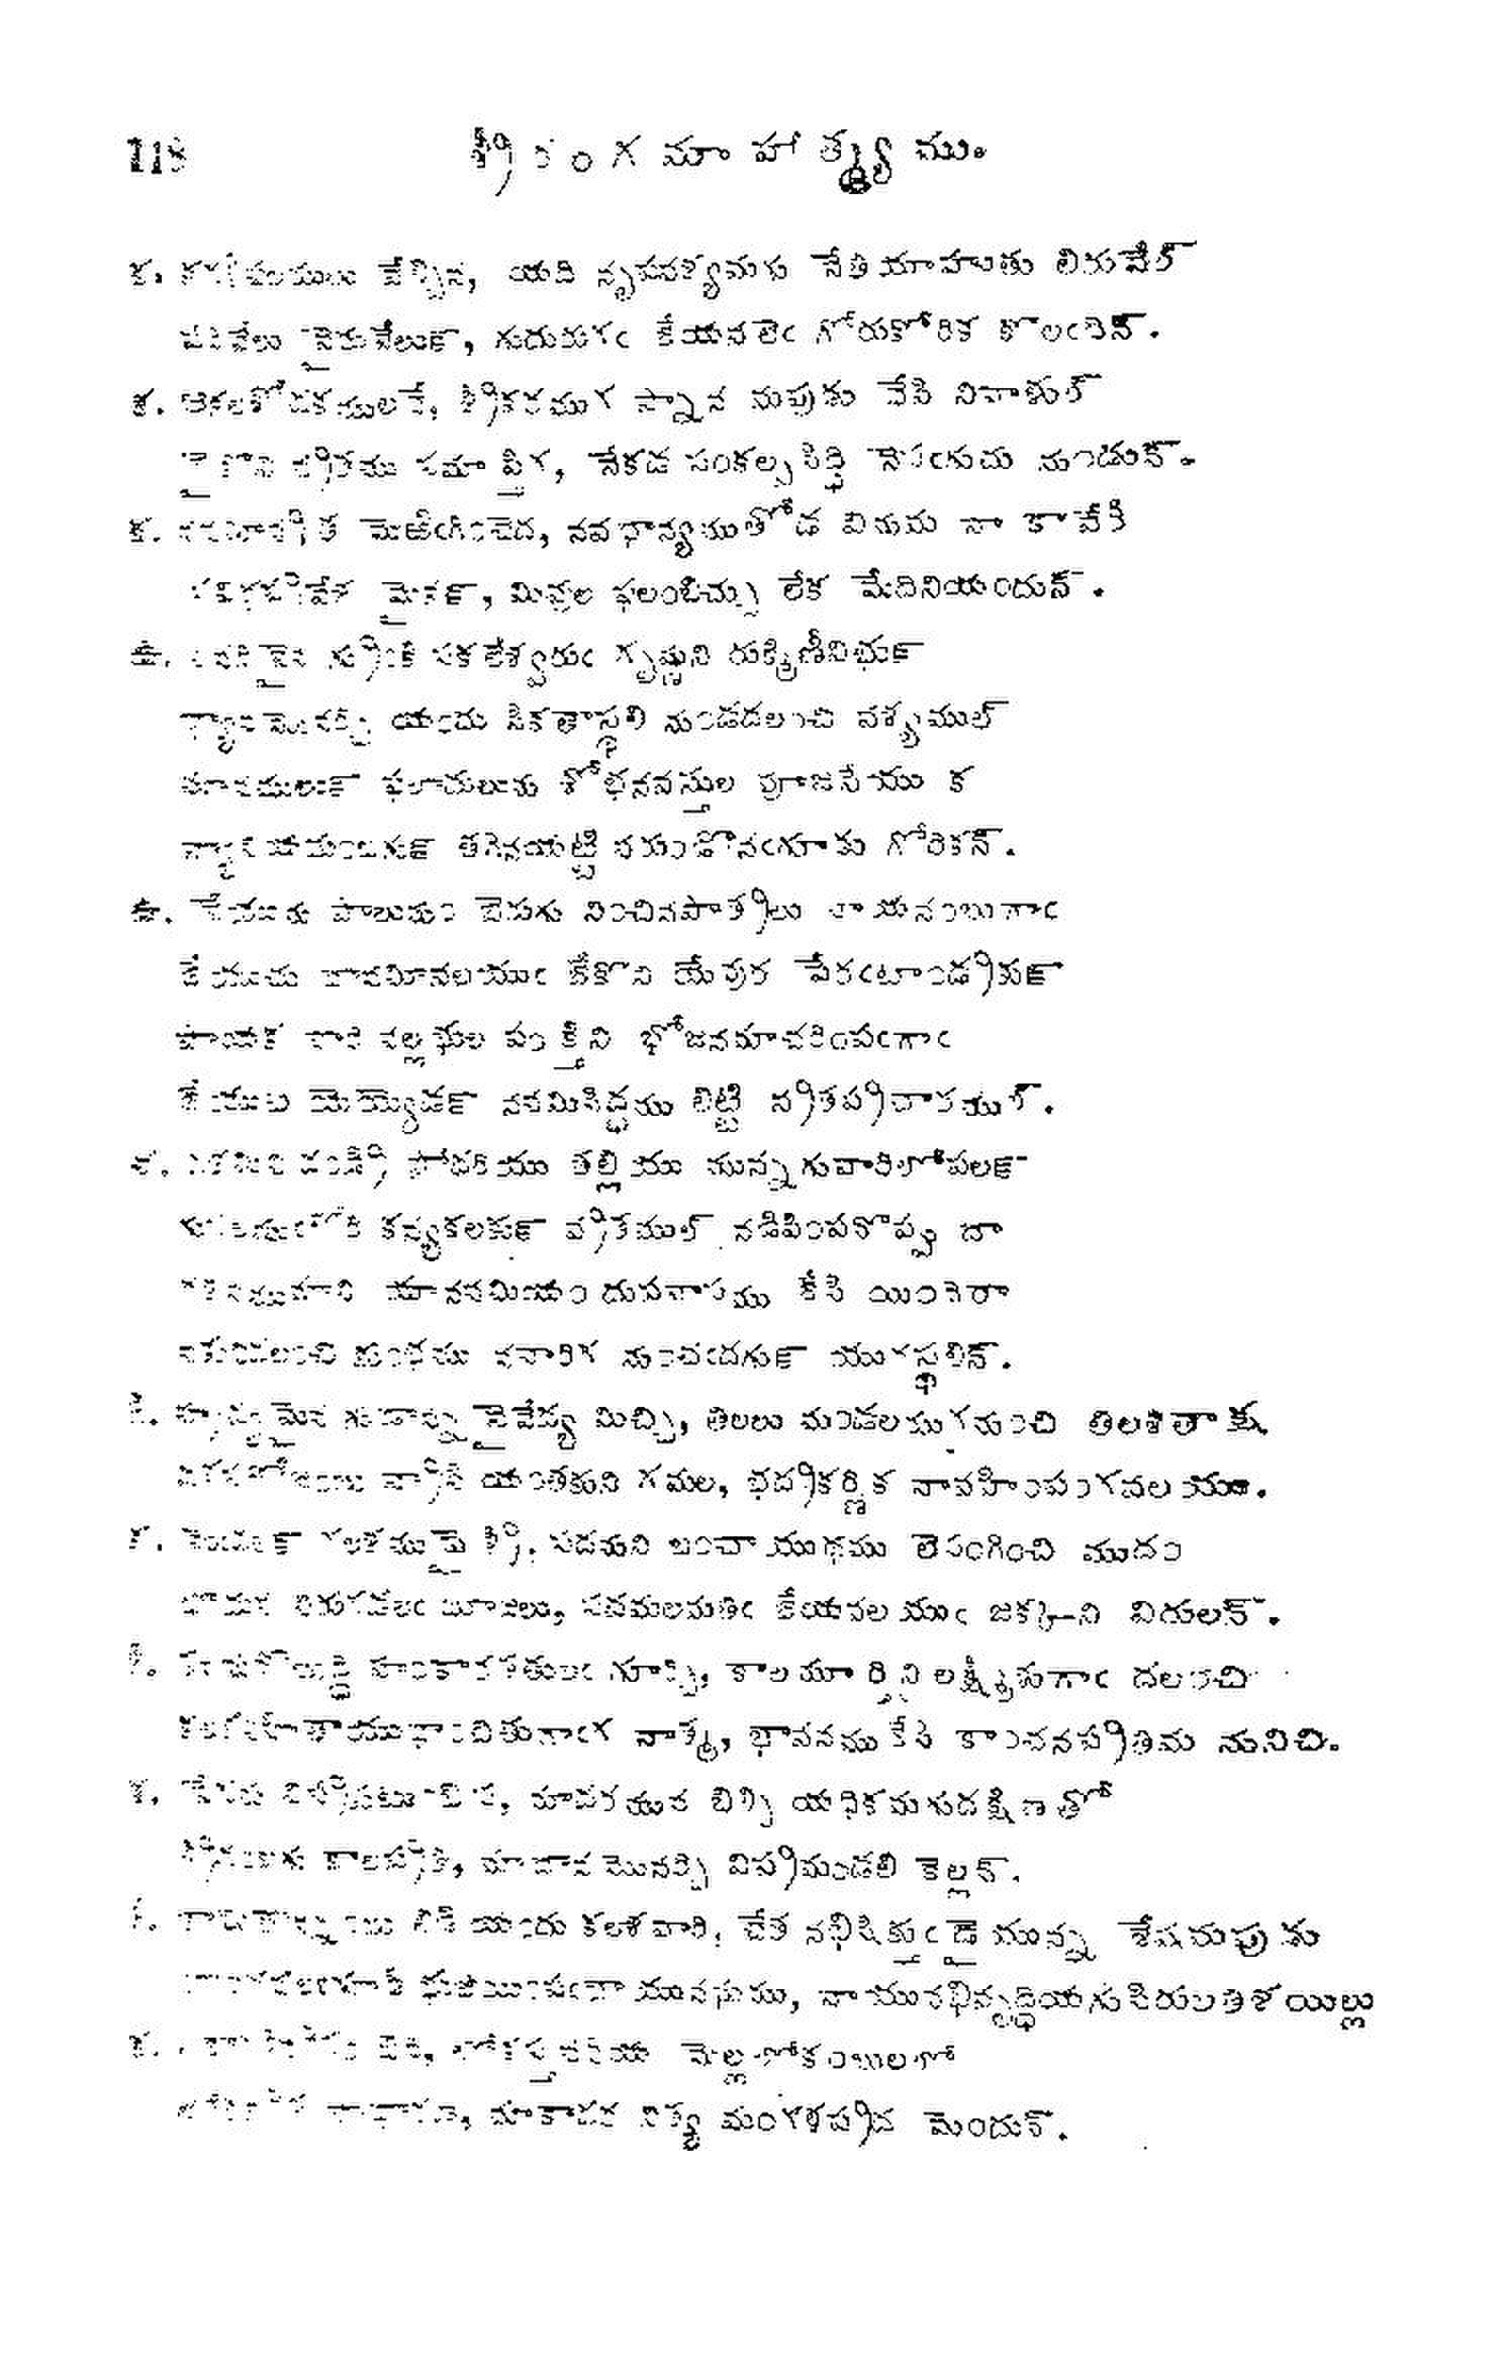క. కదళీఫలములు వేల్చిన, యది నృపవశ్యమగు నేతియాహుతు లిరువేల్
 పదివేలు నైదువేలున్, గుదురుగఁ జేయవలెఁ గోరుకోరిక కొలఁదిన్.
క. ఆకలశోదకములచే, శ్రీకరముగ స్నాన మపుడు చేసి నివాళుల్
 గైకొని వ్రతము సమాప్తిగ, నేకడ సంకల్పసిద్ధి నెసఁగుచు నుండున్.
క. నవమీవ్రత మెఱిఁగించెద, నవధాన్యముతోడ వినుమ నా కావేరీ
 నవిధప్రవేశ మైనన్, మివుల ఫలంబిచ్చు లేక మేదినియందున్.
ఉ. ఏనదినైన గ్రుంకి సకలేశ్వరుఁ గృష్ణుని రుక్మిణీవిభున్
 ధ్యాన మనర్చి యందు సికతాస్థలి నుండదలచి వశ్యముల్
 సూనములున్ ఫలాదులును శోభనవస్తుల పూజసేయు క
 న్యానియమంబగున్ తగినయట్టి వరుండొనఁగూడు గోరికన్.
ఉ. నేయును పాలునుం బెరుగు నించినపాత్రలు వాయనంబుగాఁ
 జేయుచు దానమీవలయుఁ జేకొని యేవుర పేరఁటాండ్రకున్
 పాయక వారి వల్లభుల పంక్తిని భోజనమాచరింపఁగాఁ
 జేయుట యెయ్యెడన్ నవమిసిద్ధము లిట్టి వ్రతప్రచారముల్.
చ. దశమిని దండ్రి సోదరియు తల్లియు మున్నగువారిలోపలన్
 గుశలముఁ గోరి కన్యకలకున్ వ్రతముల్ నడిపింపనొప్పు దా
 నశనము మాని యానవమియం దుపవాసము జేసి యిందిరా
 వశుందలంచి కుంభము నవారిగ నుంచదగున్ యురస్థలిన్.
గీ. హృద్యమైన గుడాన్ననైవేద్య మిచ్చి, తిలలు మండలముగ నుంచి తిలశితాక్ష
 దళసరోజంబు వ్రాసి యంతకుని గమల, భద్రకర్ణిక నావహింపంగవలయు.
క. మొదలన్ కలశముపై శ్రీ, సదనుని బంచాయుధము లెసంగించి ముదం
 బొదువ నిరుగడలఁ బూజలు, సదమలమతిఁ జేయవలయుఁ జక్కని విరులన్.
గీ. తనమనోబుద్ధి హంకారతతులఁ గూర్చి, కాలమూర్తిని లక్ష్మీశుగాఁ దలంచి
 కలశవిహితాయుధాంచితుగాఁగ నాత్మ, భావనము జేసి కాంచనప్రతిమ నునిచి.
క. పేదను విప్రకుటుంబి స, మాదరమున బిల్చి యధికమగుదక్షిణతో
 శ్రీదంబకు కాలప్రతి, మాదానమొనర్చి విప్రమండలి కెల్లన్.
గీ. కామితాన్నంబు లిడి యందు కలశవారి, చేత నభిషిక్తుఁడై యున్న శేష మపుడు
 బాంధవులఁ గూడి భుజియింపఁ బాయు నఘము, నాయు వభివృద్ధియగు సిరు లతిశయిల్లు
క. ఏకాదశీవ్రతం బిది, లోకస్తవనీయ మెల్లలోకంబులలో
 లోకవ్రత సాధారణ, మాకాదర నిత్య మంగళప్రద మెందున్.